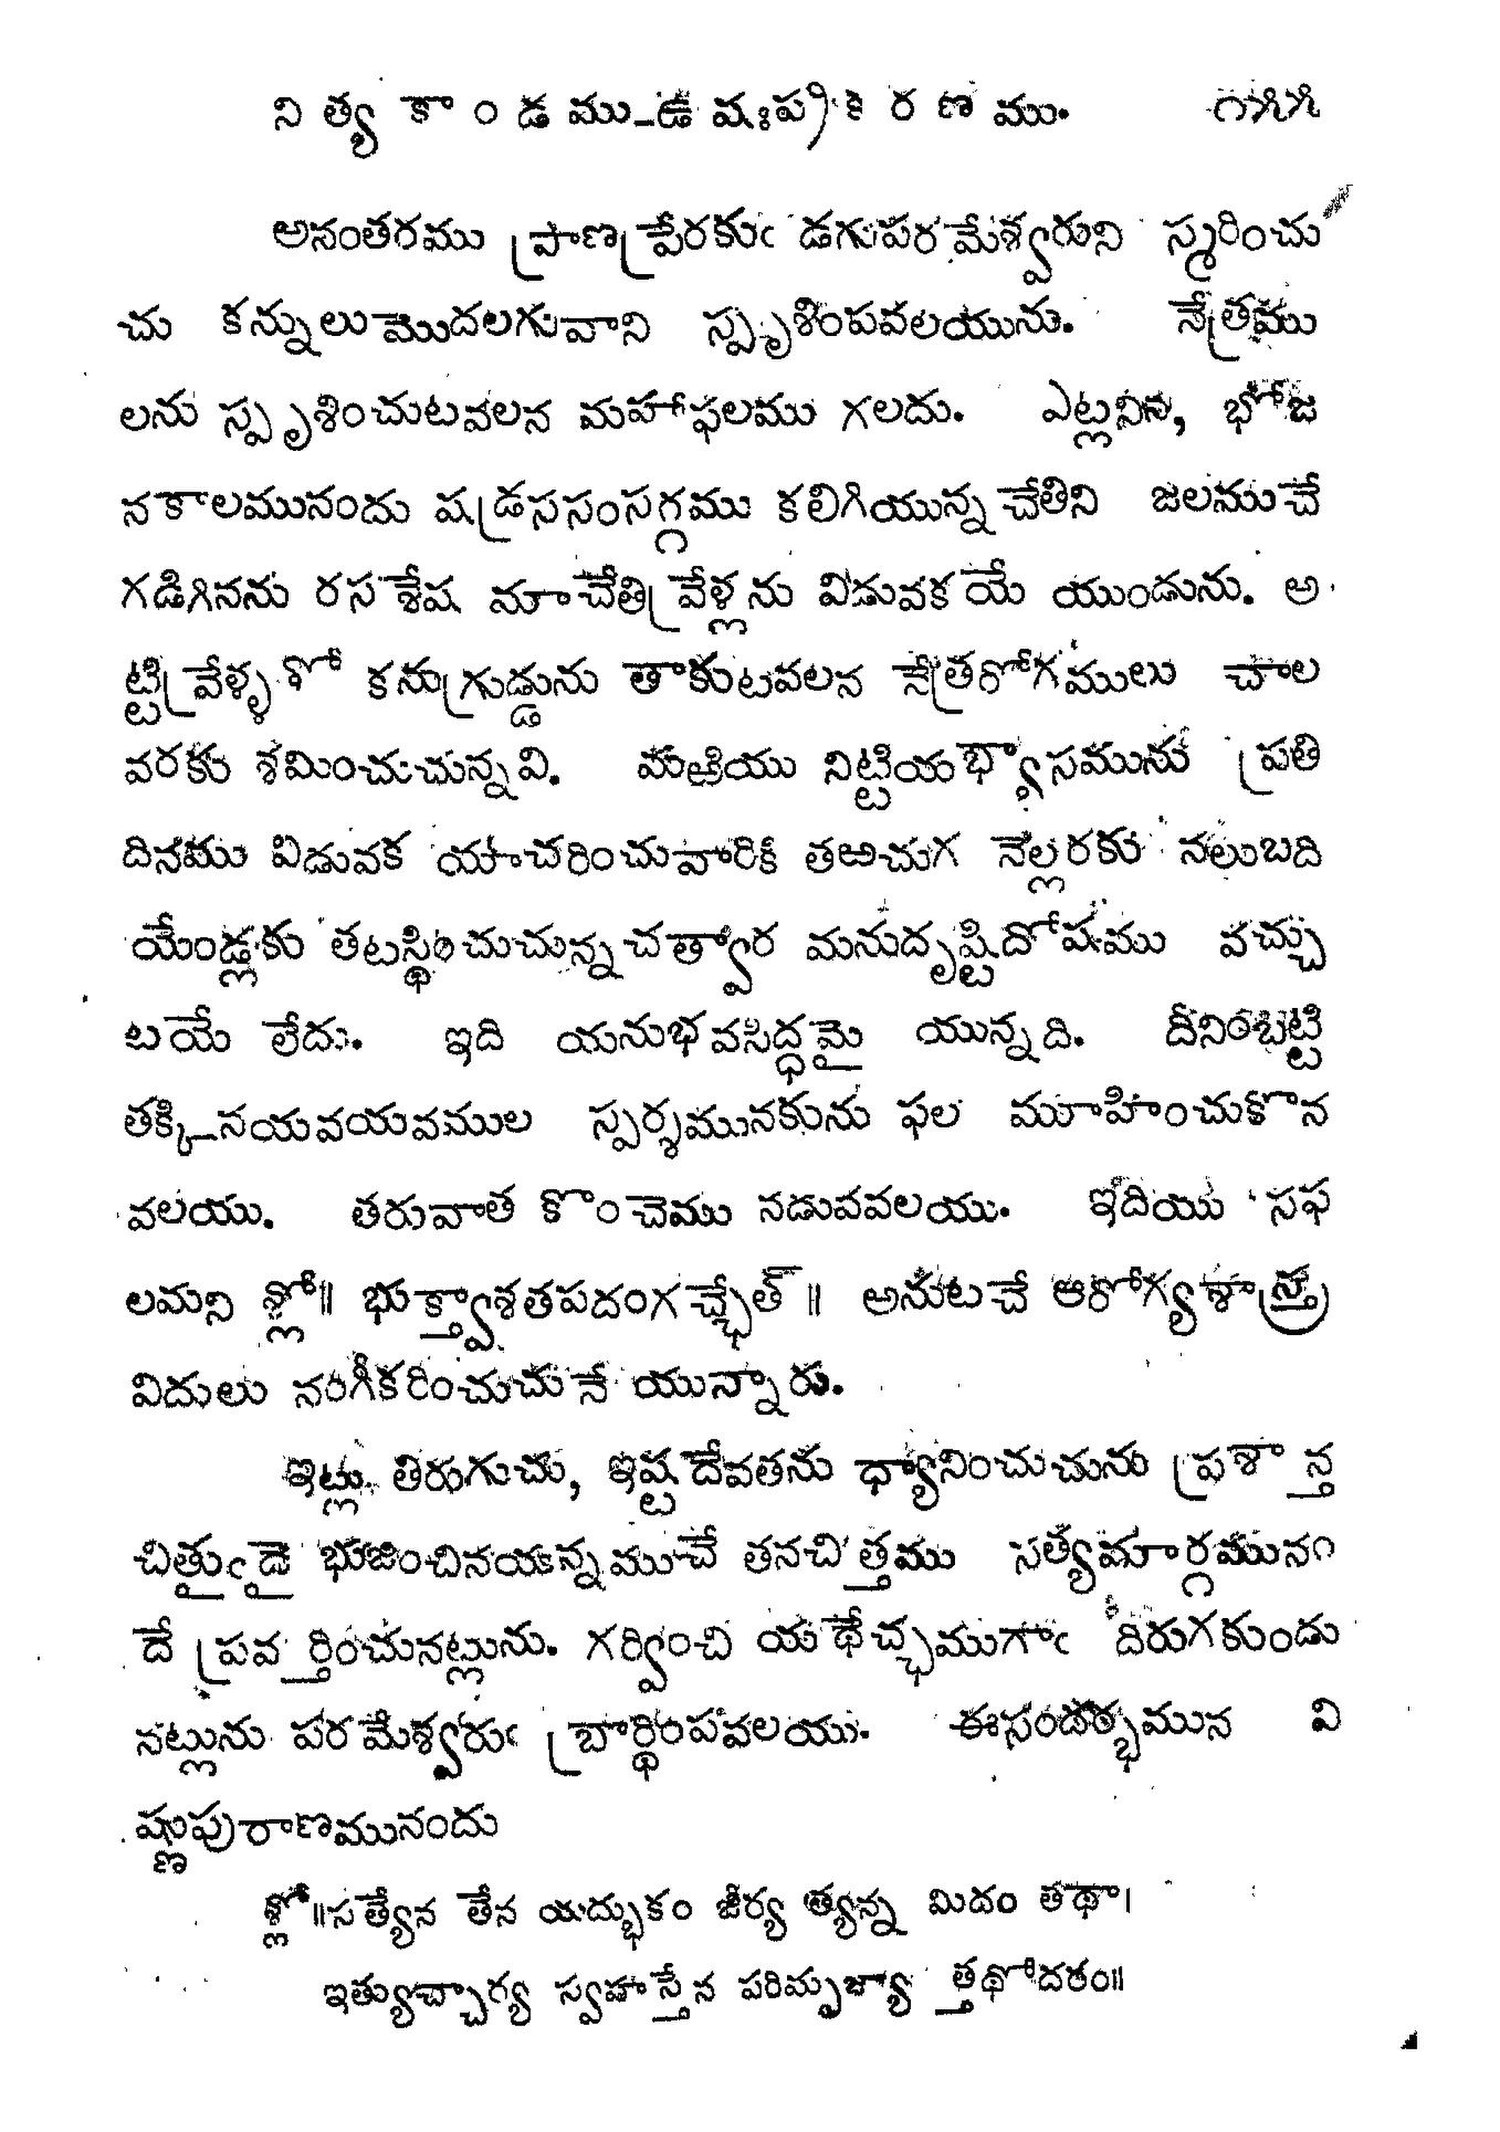అనంతరము ప్రాణప్రేరకుఁ డగుపరమేశ్వరుని స్మరించుచు కన్నులుమొదలగువాని స్పృశింపవలయును. నేత్రములను స్పృశించుటవలన మహాఫలము గలదు. ఎట్లనిన, భోజనకాలమునందు షడ్రససంసర్గము కలిగియున్నచేతిని జలముచే గడిగినను రసశేష మాచేతివ్రేళ్లను విడువకయే యుండును. అట్టివ్రేళ్ళతో కనుగ్రుడ్డును తాకుటవలన నేత్రరోగములు చాలవరకు శమించుచున్నవి. మఱియు నిట్టియభ్యాసమును ప్రతిదినము విడువక యాచరించువారికి తఱచుగ నెల్లరకు నలుబదియేండ్లకు తటస్థించుచున్న చత్వార మనుదృష్టిదోషము వచ్చుటయే లేదు. ఇది యనుభవసిద్ధమై యున్నది. దీనింబట్టి తక్కినయవయవముల స్పర్శమునకును ఫల మూహించుకొనవలయు. తరువాత కొంచెము నడువవలయు. ఇదియు సఫలమని శ్లో॥ భుక్త్వాశతపదంగచ్ఛేత్॥ అనుటచే ఆరోగ్యశాస్త్ర విదులు నంగీకరించుచునే యున్నారు.

ఇట్లు తిరుగుచు, ఇష్టదేవతను ధ్యానించుచును ప్రశాన్త చిత్తుఁడై భుజించినయన్నముచే తనచిత్తము సత్యమార్గమునందే ప్రవర్తించునట్లును. గర్వించి యథేచ్ఛముగాఁ దిరుగకుండు నట్లును పరమేశ్వరుఁ బ్రార్థింపవలయు. ఈ సందర్భమున విష్ణుపురాణమునందు

శ్లో॥ సత్యేన తేన యద్భుకం జీర్య త్యన్న మిదం తథా!
 ఇత్యుచ్చార్య స్వహస్తేన పరిమృజ్యా త్తథోదరం॥